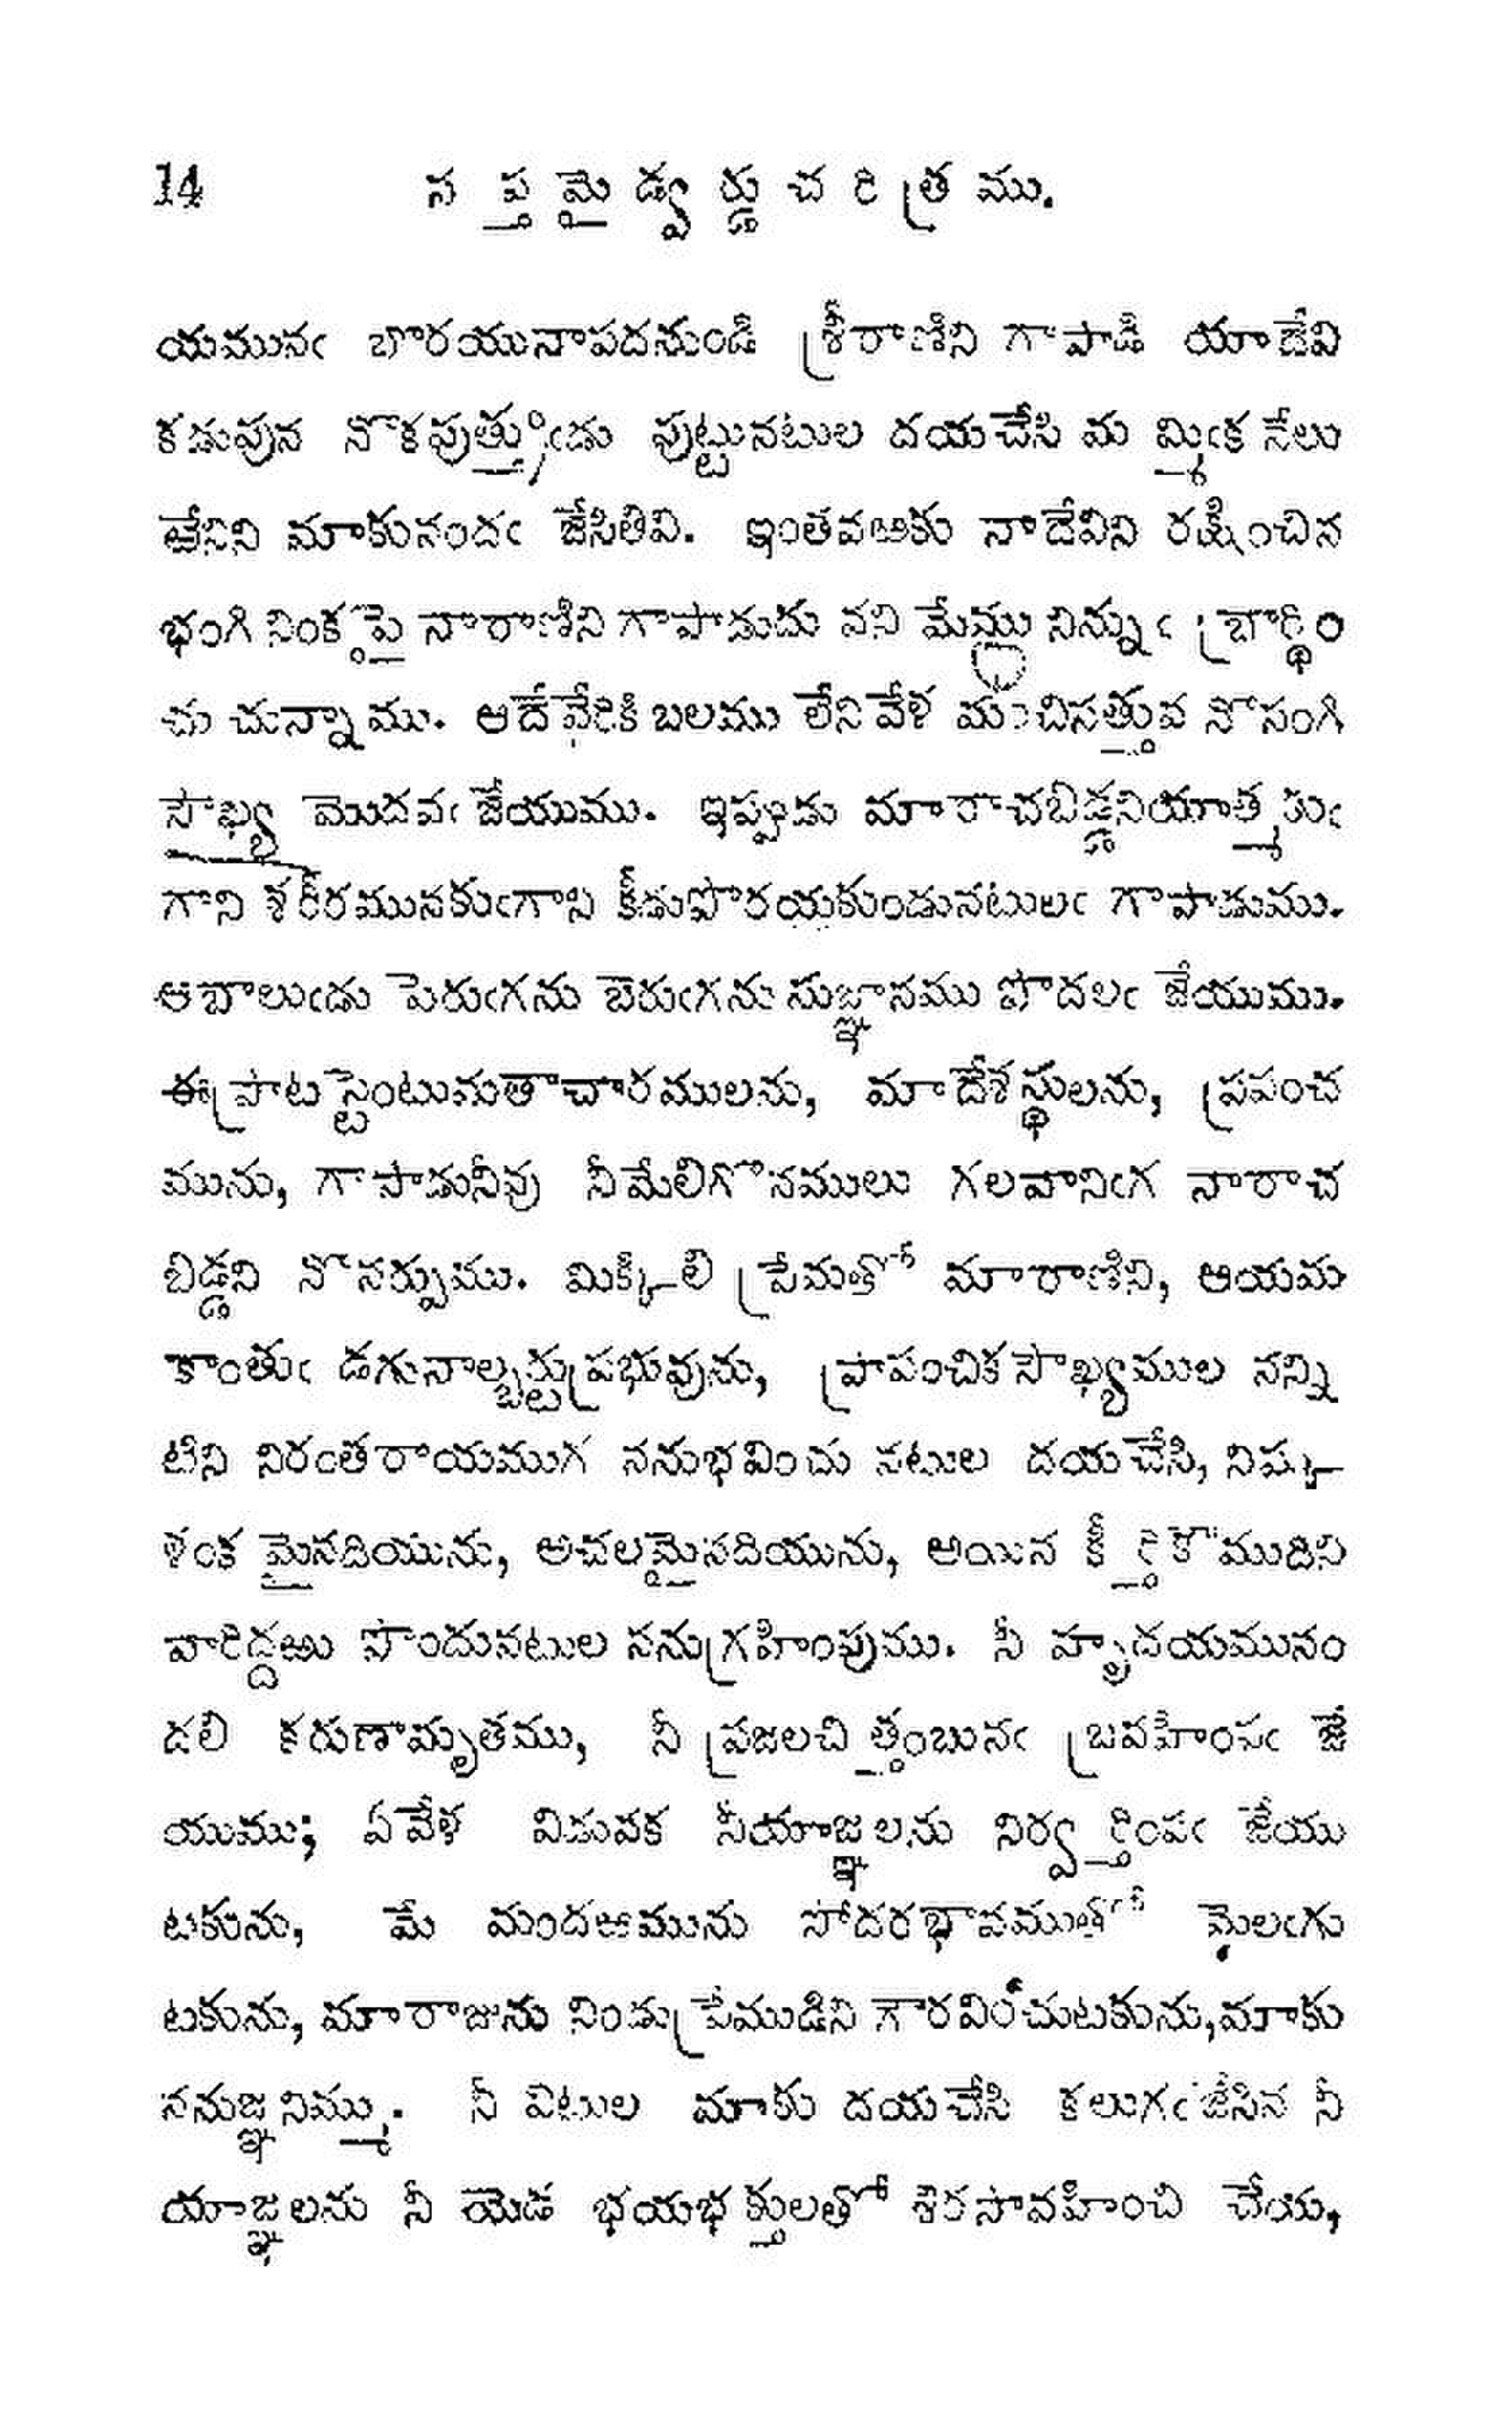యమునఁ బొరయునాపదనుండి శ్రీరాణిని గా పాడి యాదేవి
కడుపున నొక పుత్రుడు పుట్టునటుల దయచేసి న మ్మిక నేలు
ఱేనిని మాకునందఁ జేసితివి. ఇంతవఱకు నాదేవిని రక్షించిన
భంగి సింక పై నారాణిని గా పాడుచు నని మేము నిన్నుఁ బ్రార్థిం
చుచున్నాము. ఆదే వేళకి బలము లేని వేళ మంచిసత్తువ నోసంగి
సౌఖ్య 'మొదవఁ జేయుము. ఇప్పుడు మారాచబిడ్డనియత్మకు
గాని శరీరమునకుఁగాని కీడుపొరయకుండునటులఁ గాపాడుము.
అబాలుఁడు పెరుఁగను బెరుఁగను సుజ్ఞానము పొదలఁ జేయుము,
ఈ ప్రాట స్టెంటును తాచారములను, మా దేశస్థులను, ప్రపంచ
మును, గాసాడునీవు నీమేలిగొనములు గలవానిఁగ నారాచ
బిడ్డని నొనర్పుము. మిక్కిలి ప్రేమతో మారాణిని, ఆయమ
కాంతుఁ డగునాల్బర్టు ప్రభువును, ప్రాపంచిక సౌఖ్యముల నన్ని
టిని నిరంతరాయముగ ననుభవించు నటుల దయ చేసి, నిష్క
శంక మైనదియును, అచలమైనదియును, అయిన కీర్తి కాముడిని
వారిద్దఱు పొందునటుల సనుగ్రహింపుము. నీ హృదయమునం
దలి కరుణామృతము, నీ ప్రజలచి తంబునఁ బ్రవహింపఁ జే
యుము; ఏవేళ విడువక నీయాజ్ఞలను నిర్వర్తింపఁ జేయు
టకును, మే మందఱమును సోదరభావముతం మెలఁగు
టకును, మా రాజును నిండు ప్రేముడిని గౌరవించుటకును,మాకు
ననుజ్ఞ నిమ్ము. నీ పేరుల మాకు దయచేసి కలుగఁ జేసిన నీ
యాజ్ఞలను నీ యెడ భయభక్తులతో శిరసావహించి చేయ,